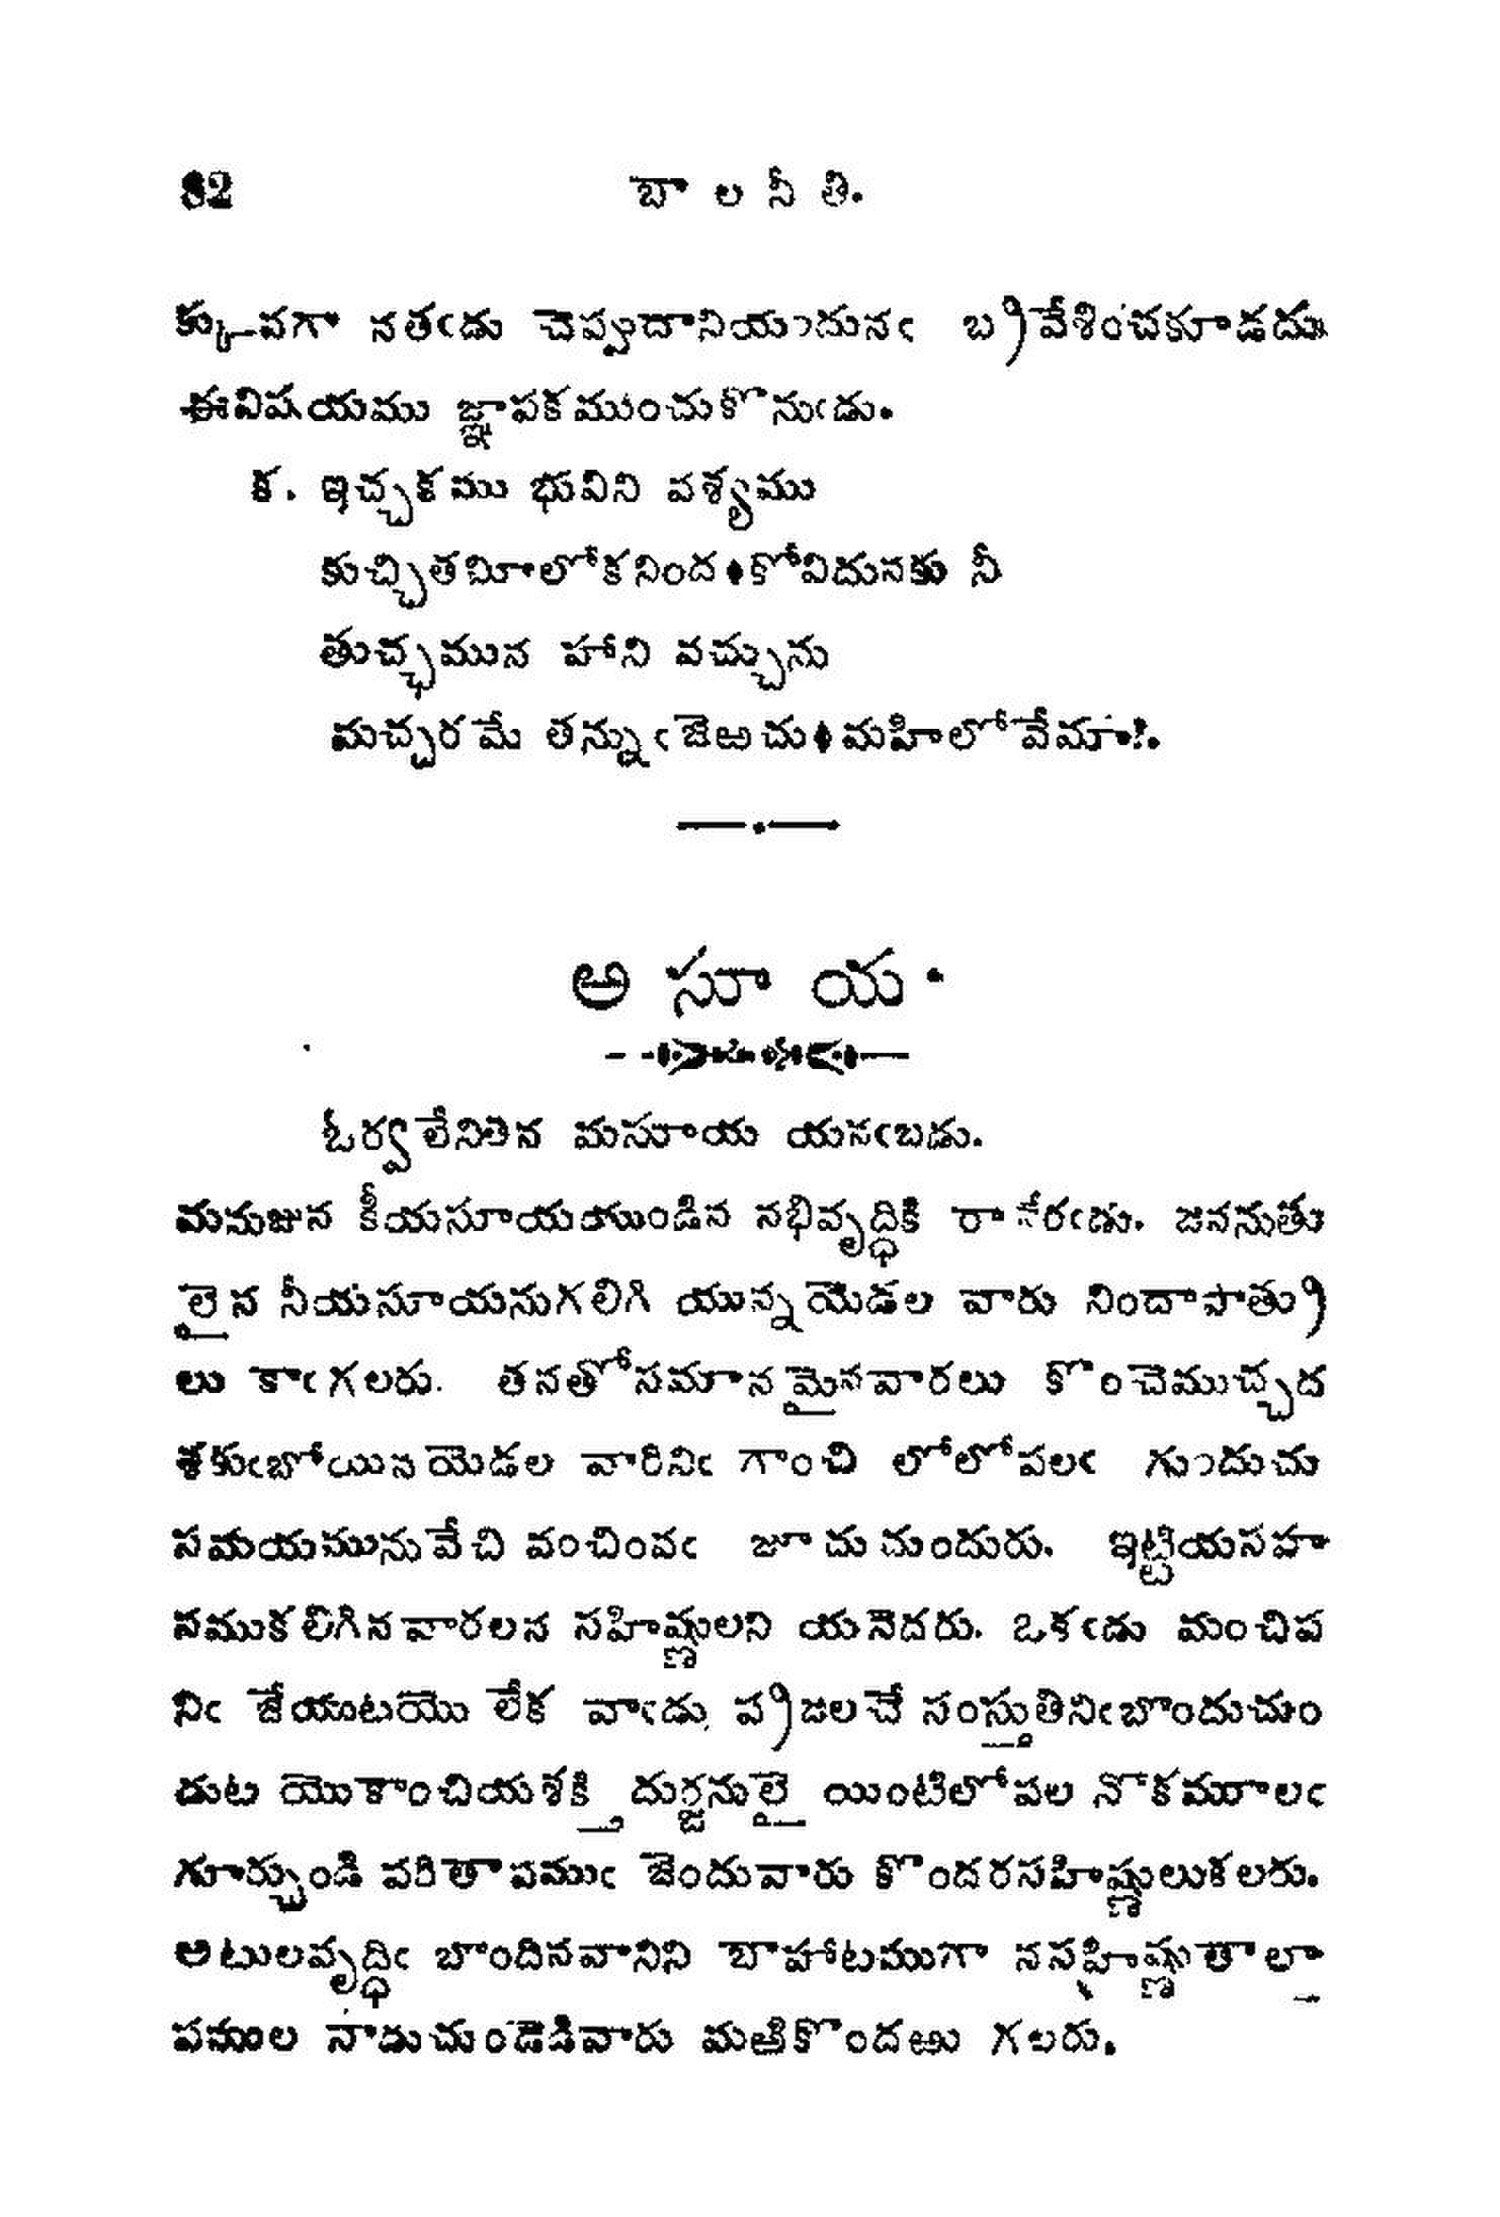క్కువగా నతఁడు చెప్పుదానియందునఁ బ్రవేశించకూడదు. 
ఈవిషయము జ్ఞాపకముంచుకొనుఁడు.

క. ఇచ్చకము భువిని వశ్యము
 కుచ్చితమీలోకనింద♦కోవిదునకు నీ
 తుచ్ఛమున హాని వచ్చును
 మచ్చరమే తన్నుఁజెఱచు♦మహిలోవేమా!.

అసూయ.

ఓర్వలేనితన మసూయ యనఁబడు.

మనుజున కీయసూయయుండిన నభివృద్ధికి రానేరఁడు. జననుతు
లైన నీయసూయనుగలిగి యున్నయెడల వారు నిందాపాత్రు
లు కాఁగలరు. తనతోసమానమైనవారలు కొంచెముచ్చద
శకుఁబోయినయెడల వారినిఁ గాంచి లోలోపలఁ గుందుచు 
సమయమునువేచి వంచింపఁ జూచు చుందురు. ఇట్టి యసహ
నము కలిగినవారలన సహిష్ణులని యనెదరు. ఒకఁడు మంచిప
నిఁ జేయుటయొ లేక వాఁడు ప్రజలచే సంస్తుతినిఁబొందుచుం
డుట యొకాంచియశక్తి దుర్జనులై యింటిలోపల నొకమూలఁ
గూర్చుండి పరితాపముఁ జెందువారు కొందరసహిష్ణులుకలరు. 
అటులవృద్ధిఁ బొందినవానిని బాహాటముగా నసహిష్ణుతాలా
పముల నాడుచుండెడివారు మఱికొందఱు గలరు.